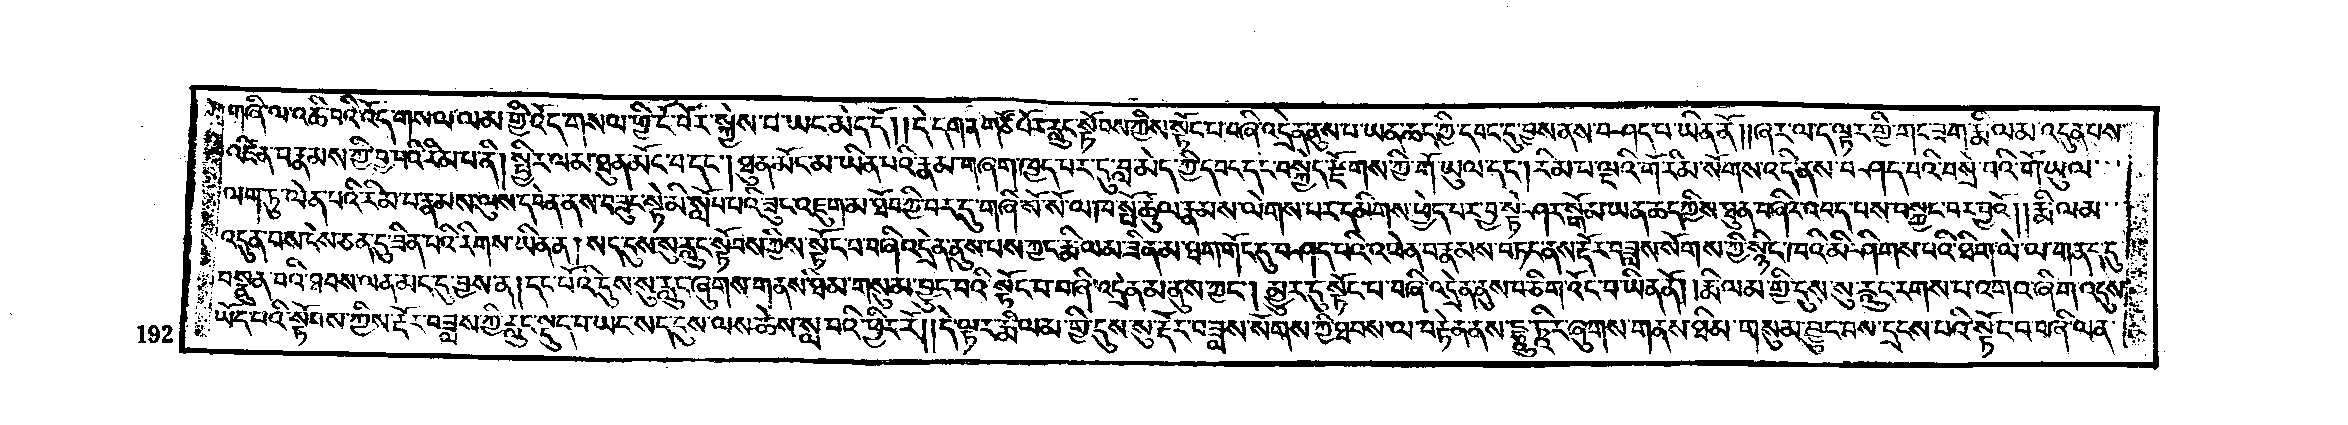གཞི་ལ་འཆི་བའི་འོད་གསལ་ལམ་གྱི་འོད་གསལ་གྱི་ངོ་བོར་སྐྱེས་པ་ཡང་མེད་དོ། །དེ་དག་ནི་གཙོ་བོར་རླུང་སྟོབས་ཀྱིས་སྟོང་པ་བཞི་འདྲེན་ནུས་པ་ཡན་ཆད་ཀྱི་དབང་དུ་བྱས་ནས་བཤད་པ་ཡིན་ནོ། །ཞར་ལ་ད་ལྟར་གྱི་གང་ཟག་རྨི་ལམ་འདུན་པས་
འཛིན་པ་རྣམས་ཀྱི་བྱ་བའི་རིམ་པ་ནི། སྤྱིར་ལམ་ཐུན་མོང་བ་དང་། ཐུན་མོང་མ་ཡིན་པའི་རྣམ་གཞག་ཁྱད་པར་དུ་བླ་མེད་ཀྱི་དབང་དང་བསྐྱེད་རྫོགས་ཀྱི་གོ་ཡུལ་དང་། རིམ་པ་ལྔའི་གོ་རིམ་སོགས་འདི་ནས་བཤད་པའི་བསྲེ་བའི་གོ་ཡུལ་
ལག་ཏུ་ལེན་པའི་རིམ་པ་རྣམས་ལུས་དབེན་ནས་བཟུང་སྟེ་མི་སློབ་པའི་ཟུང་འཇུག་མ་ཐོབ་ཀྱི་བར་དུ་གཞི་སོ་སོ་ལ་ཁ་སྤོ་ཚུལ་རྣམས་ལེགས་པར་དམིགས་ཕྱེད་པར་བྱ་སྟེ་ཤར་སྒོམ་ཡན་ཆད་ཀྱིས་ཐུན་བཞིར་འབད་པས་བསྐྱང་བར་བྱའོ། །རྨི་ལམ་
འདུན་པས་ངེས་ཅན་དུ་ཟིན་པའི་རིགས་ཡིན་ན། སད་དུས་སུ་རླུང་སྟོབས་ཀྱིས་སྟོང་པ་བཞི་འདྲེན་ནུས་པས་ཀྱང་རྨི་ལམ་ཟིན་མ་ཐག་གོང་དུ་བཤད་པའི་འཕེན་པ་རྣམས་བཏང་ནས་རྡོར་བཟླས་སོགས་ཀྱི་སྙིང་ཁའི་མི་ཤིགས་པའི་ཐིག་ལེ་ལ་གནད་དུ་
བསྣུན་བའི་ཐབས་ལན་མང་དུ་བྱས་ན། དང་པོའི་དུས་སུ་རླུངས་ཞུགས་གནས་ཐིམ་གསུམ་བྱུང་བའི་སྟོང་པ་བཞི་འདྲེན་མ་ནུས་ཀྱང་། མྱུར་དུ་སྟོང་པ་བཞི་འདྲེན་ནུས་པ་ཅིག་འོང་བ་ཡིན་ནོ། །རྨི་ལམ་གྱི་དུས་སུ་རླུང་རགས་པ་འགའ་ཞིག་འདུས་
ཡོད་པའི་སྟོབས་ཀྱིས་རྔོར་བཟླས་ཀྱི་རླུང་སྡུད་པ་ཡང་སད་དུས་ལས་ཆེས་སླ་བའི་ཕྱིར་རོ། །དེ་ལྟར་རྨི་ལམ་གྱི་དུས་སུ་རྡོར་བཟླས་སོགས་ཀྱི་ཐབས་ལ་བརྟེན་ནས་དྷཱུ་ཏཱིར་ཞུགས་གནས་ཐིམ་གསུམ་བྱུང་བས་དྲངས་པའི་སྟོང་པ་བཞི་ལན་